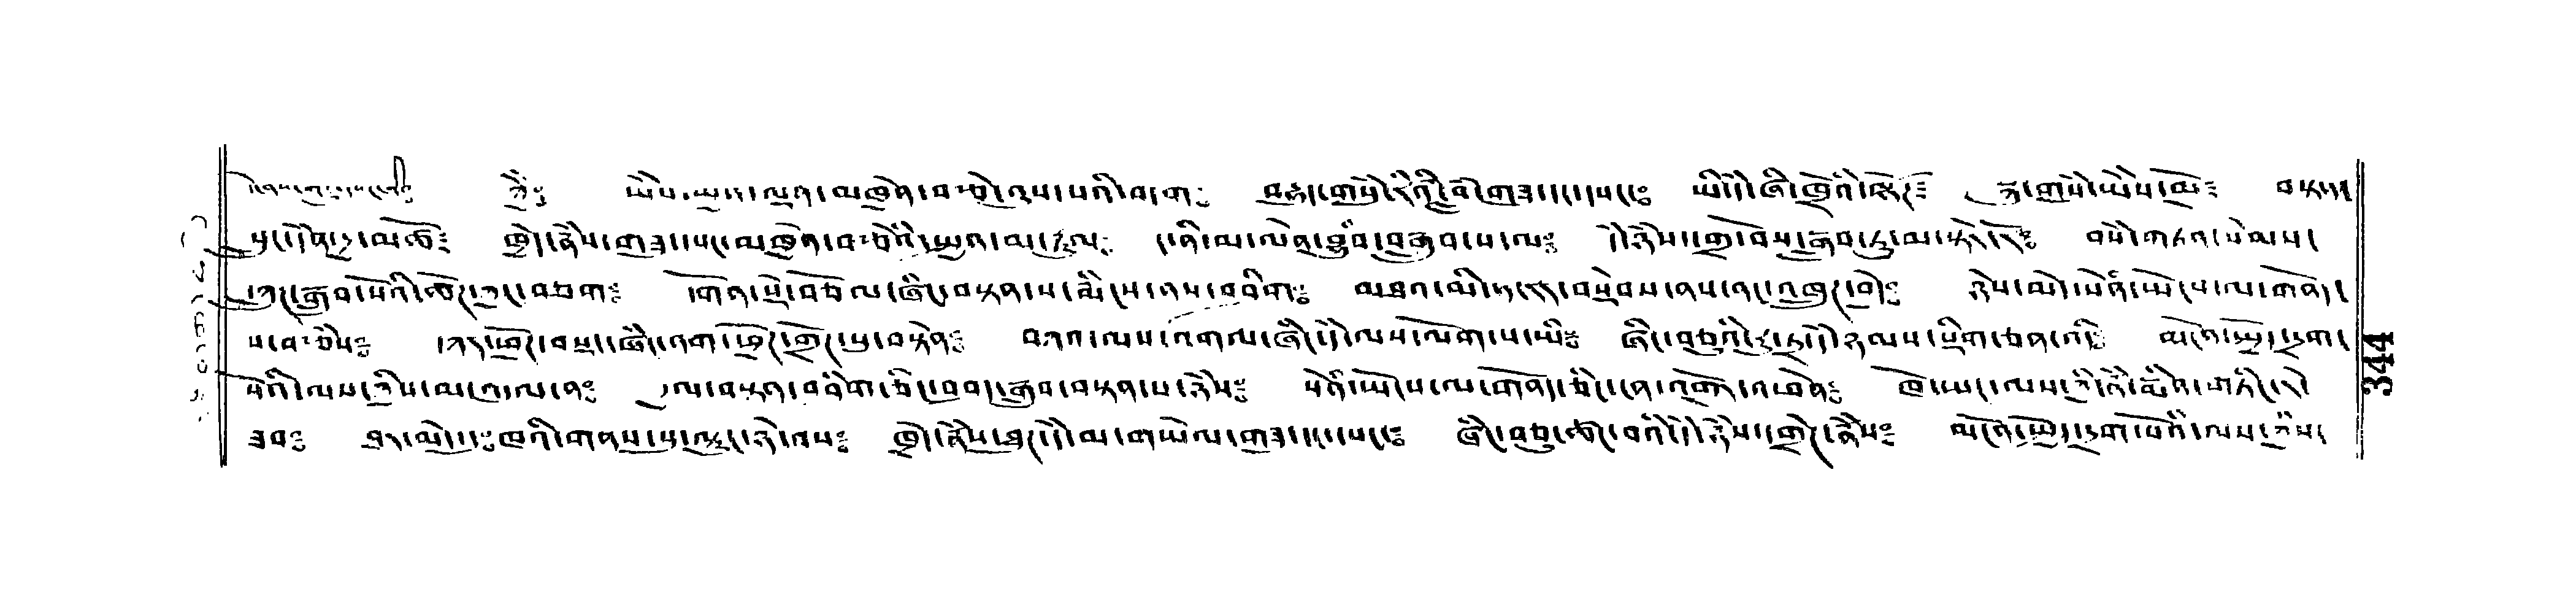དེ་ནས་གཟུ་དཔང་ནི༔ ཀྱཻ༔ ཡེ་ཤེས་སྤྱན་ལྡན་མཁྱེན་བརྩེ་ནུས་པའི་བདག༔ བརྒྱུད་གསུམ་རིག་འཛིན་བླ་མ་གཟུ་དང་དཔང༔ ཡི་དམ་ཞི་ཁྲོའི་ལྷ་ཚོགས༴ སྐུ་གསུམ་ཡེ་ཤེས་མཁའ་འགྲོ༴ བསྟན་
སྲུང་དམ་ཅན་རྒྱ་མཚོ༴ ཁྱེད་རྣམས་གཟུ་དཔང་མཁྱེན་བརྩེའི་སྤྱན་མ་བརྟུལ༔ ང་ནི་མ་ལན་བྱང་ཆུབ་བསྒྲུབ་པ་ལ༔ དམ་ཉམས་དགྲ་བོས་སྒྲུབ་ཏུ་མ་སྟེར་རོ༔ བསམ་གཏན་སེམས་
དཀྲུགས་སྒྲུབ་པོའི་ཚོགས་ཀྱང་བཅག༔ དགོན་སྡེ་བཅོམ་ཞིང་བསྟན་པ་རྨང་ནས་བཤིག༔ མཐའ་མི་ཧ་རར་བསྡེབས་ནས་ནང་འཁྲུགས་བྱེད༔ ཉེས་མེད་སེམས་ཅན་ཡོངས་ལ་གནོད་
པ་བརྩམས༔ དཀར་ཕྱོགས་སྡང་ཞིང་ནག་ཕྱོགས་གྲོགས་སུ་བསྟེན༔ བཀའ་ལས་འགལ་ཞིང་དམ་ལས་ལོག་པ་ཡི༔ ཞིང་བཅུའི་རུ་ཏྲ་དམ་ཉམས་སྡིག་ཅན་འདི༔ མངོན་སྤྱོད་དྲག་
པོའི་ལས་ཀྱིས་མ་འདུལ་ན༔ རྒྱལ་བསྟན་བཤིག་ཅིང་བཤད་སྒྲུབ་བསྟན་པ་ཉམས༔ སེམས་ཅན་ཡོངས་ལ་གནོད་ཅིང་ངན་འགྲོར་འཕེན༔ ཁོ་ཡང་ལས་ཀྱི་རྣམ་སྨིན་གཏིང་རེ་
ཟབ༔ཐར་མེད་དུཿཁའི་གནས་སུ་ལྟུང་ཉེ་བས༔ ཁྱེད་རྣམས་ཐུགས་དམ་མ་གཡེལ་གཟུ་དང་དཔང༔ ཞིང་བཅུ་ཚང་བའི་དམ་ཉམས་དགྲ་བགེགས་རྣམས༔ མངོན་སྤྱོད་དྲག་པོའི་ལས་ཀྱིས་